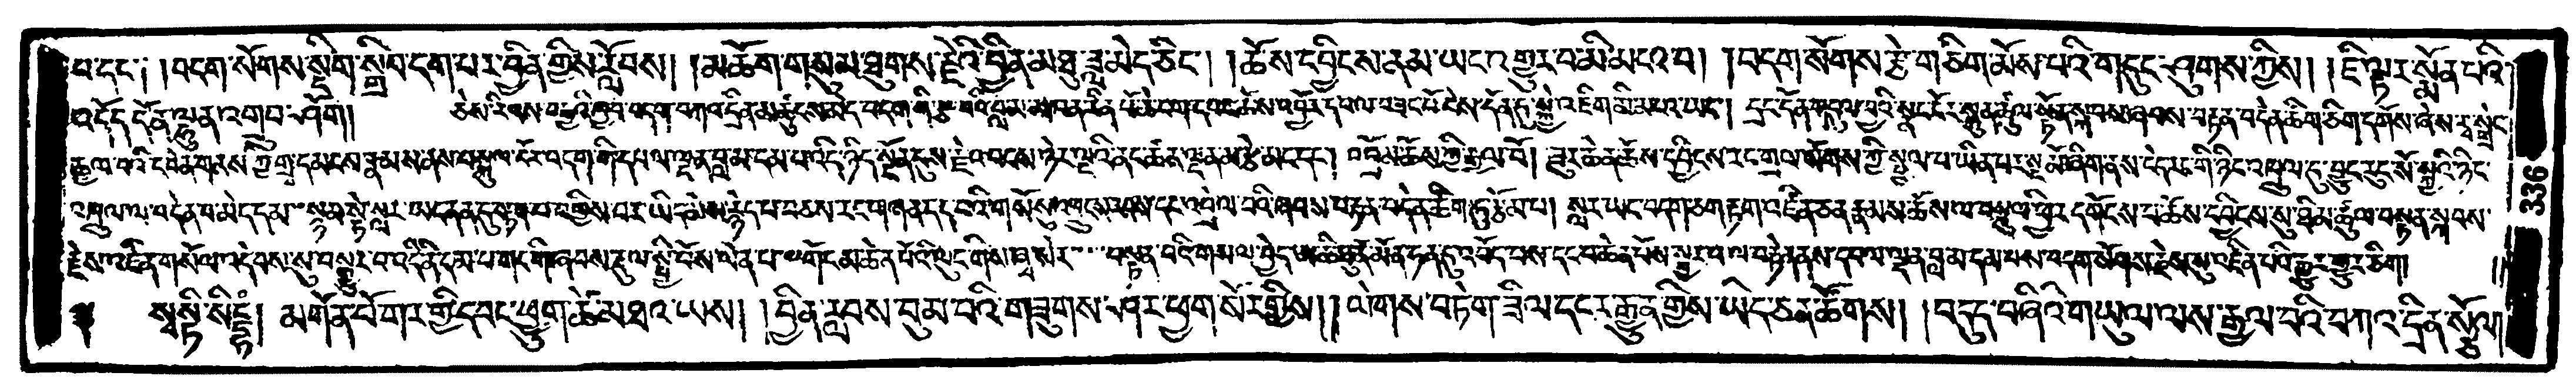པ་དང་། །བདག་སོགས་སྡིག་སྒྲིབ་དག་པར་བྱིན་གྱིས་རློབས། །མཆོག་གསུམ་ཐུགས་རྗེའི་བྱིན་མཐུ་ཟླ་མེད་ཅིང་། །ཆོས་དབྱིངས་ནམ་ཡང་འགྱུར་བ་མི་མངའ་བ། །བདག་སོགས་རྩེ་གཅིག་མོས་པའི་གདུང་ཤུགས་ཀྱིས། །ཇི་ལྟར་སྨོན་པའི་
འདོད་དོན་ལྷུན་འགྲུབ་ཤོག །ཅེས་རིགས་བརྒྱའི་ཁྱབ་བདག་བཀའ་དྲིན་མཚུངས་མེད་བདག་གི་རྩ་བའི་བླ་མ་མཁན་རིན་པོ་ཆེ་ངག་དབང་ཆོས་འབྱོར་དཔལ་བཟང་པོ་ངེས་དོན་དུ་སྐྱེ་འཇིག་མི་མངའ་ཡང་། དྲང་དོན་གདུལ་བྱའི་སྣང་ངོར་སྙུན་ཚུལ་སྟོན་སྐབས་ཞབས་བརྟན་བདེན་ཚིག་ཅིག་དགོས་ཞེས་རྭ་སྒྲེང་
རྒྱལ་བའི་དབེན་གནས་ཀྱི་གྲྭ་དམངས་རྣམས་ནས་བསྐུལ་ངོར་བདག་གི་དཔལ་ལྡན་བླ་མ་དམ་པ་འདི་ཉིད་སྔོན་དུས་རྗེ་འབངས་ཉེར་ལྔའི་ནང་ཚན་ལྡན་མ་རྩེ་མང་དང་། འབྲོམ་ཆོས་ཀྱི་རྒྱལ་པོ། ཟུར་ཆེན་ཆོས་དབྱིངས་རང་གྲལ་སོགས་ཀྱི་སྤྲུལ་པ་ཡིན་པར་སྔ་མོ་ཞིག་ནས་ངེད་རང་གི་ཉིད་འཁྲུལ་དུ་བྱུང་རུང་སོ་སྐྱའི་ཉིད་
འཁྲུལ་ལ་བདེན་པ་མེད་དམ་སྙམ་སྟེ་སླར་ཡང་ནན་དུ་བརྟག་པ་བགྱིས་པར་ཡིད་མེས་རྙེད་པ་བཅས་རང་གཞན་དད་བའི་གསོས་སུ་འཁྲུངས་རབས་དང་འབྲེལ་བའི་ཞབས་བརྟན་བདེན་ཚིག་ཏུ་རྩོམ་པ། སླར་ཡང་བདག་ཅག་རྟག་འཛིན་ཅན་རྣམས་ཆོས་ལ་བསྐུལ་ཕྱིར་དགོངས་པ་ཆོས་དབྱིངས་སུ་ཐིམ་ཚུལ་བསྟན་སྐབས་
རྗེས་འཛིན་གསོལ་འདེབས་སུ་བསྒྱུར་བ་འདི་ནི་དམ་པ་གང་གི་ཞབས་རྡུལ་སྤྱི་བོས་ལེན་པ ༧་གོང་མ་ཆེན་པོའི་ལུང་གིས་ཞྭ་སེར་བསྟན་པའི་གསལ་བྱེད་ཨ་ཆི་ཐུ་ནོ་མོན་ཧན་དུ་འབོད་པས་དང་བ་ཆེན་པོས་སྦྱར་བ་ལ་བརྟེན་ནས་དཔལ་ལྡན་བླ་མ་དམ་པས་བདག་སོགས་རྗེས་སུ་འཛིན་པའི་རྒྱུར་གྱུར་ཅིག། །།
༈ སྭ་སྟི་སིདྡྷཾ། མགོན་པོ་གར་གྱི་དབང་ཕྱུག་ཚེ་མཐའ་ཡས། །བྱིན་རླབས་བུམ་པའི་གཟུགས་ཤར་ཕྱག་སོར་གྱིས། །ལེགས་བཏེག་ཟིལ་དངར་རྒྱུན་གྱིས་ཡིད་ཅན་ཚོགས། །བདུད་བཞིའི་གཡུལ་ལས་རྒྱལ་བའི་བཀའ་དྲིན་སྩོལ།